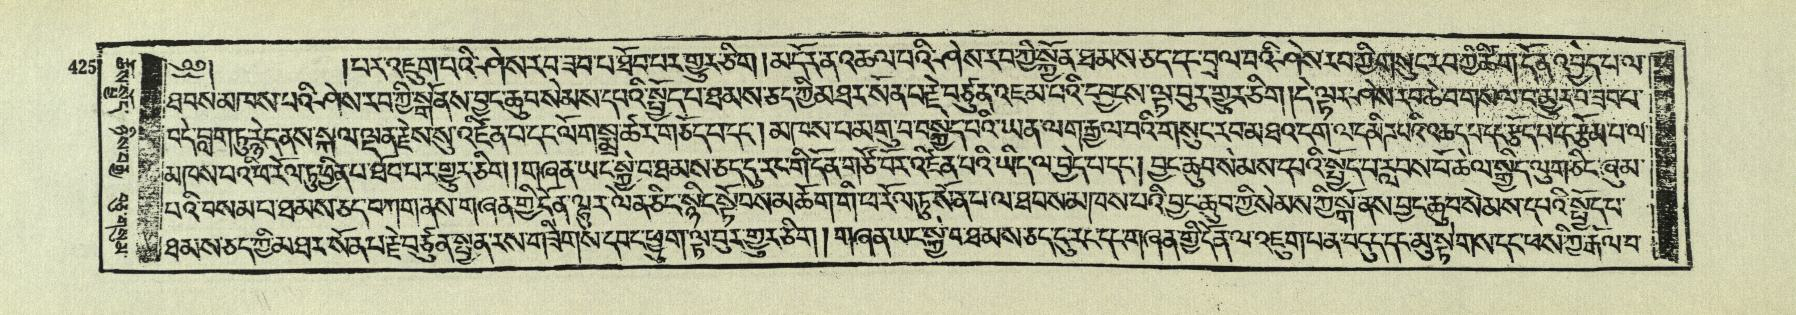༄༅། །པར་འཇུག་པའི་ཤེས་རབ་ཟབ་པ་ཐོབ་པར་གྱུར་ཅིག །མདོར་ན་འཆལ་པའི་ཤེས་རབ་ཀྱི་སྐྱོན་ཐམས་ཅད་དང་བྲལ་བའི་ཤེས་རབ་ཀྱི་གསུང་རབ་ཀྱི་ཚིག་དོན་འབྱེད་པ་ལ་
ཐབས་མཁས་པའི་ཤེས་རབ་ཀྱི་སྒོ་ནས་བྱང་ཆུབ་སེམས་དཔའི་སྤྱོད་པ་ཐམས་ཅད་ཀྱི་མཐར་སོན་པ་རྗེ་བཙུན་འཇམ་པའི་དབྱངས་ལྟ་བུར་གྱུར་ཅིག །དེ་ལྟར་ཤེས་རབ་ཆེ་བ་གསལ་བ་མྱུར་བ་ཟབ་པ་
བདེ་བླག་ཏུ་རྙེད་ནས་སྐལ་ལྡན་རྗེས་སུ་འཛིན་པ་དང་ལོག་སྨྲ་ཚར་གཅོད་པ་དང་། མཁས་པ་མགུ་བ་བསྐྱེད་པའི་ཡན་ལག་རྒྱལ་བའི་གསུང་རབ་མཐའ་དག་ལ་དམིཌ་པའི་འཆད་པ་དང་རྩོད་པ་དང་རྩོམ་པ་ལ་
མཁས་པའི་ཕ་རོལ་ཏུ་ཕྱིན་པ་ཐོབ་པར་གྱུར་ཅིག །གཞན་ཡང་སྐྱེ་བ་ཐམས་ཅད་དུ་རང་གི་དོན་གཙོ་བོར་འཛིན་པའི་ཡིད་ལ་བྱེད་པ་དང་། བྱང་ཆུབ་སེམས་དཔའི་སྤྱོད་པ་རླབས་པོ་ཆེ་ལ་སྒྱིད་ལུག་ཅིང་ཞུམ་
པའི་བསམ་པ་ཐམས་ཅད་བཀག་ནས་གཞན་གྱི་དོན་ལྷུར་ལེན་ཅིང་སྙིང་སྟོབས་མཆོག་གི་ཕ་རོལ་ཏུ་སོན་པ་ལ་ཐབས་མཁས་པའི་བྱང་ཆུབ་ཀྱི་སེམས་ཀྱི་སྒོ་ནས་བྱང་ཆུབ་སེམས་དཔའི་སྤྱོད་པ་
ཐམས་ཅད་ཀྱི་མཐར་སོན་པ་རྗེ་བཙུན་སྤྱན་རས་གཟིགས་དབང་ཕྱུག་ལྟ་བུར་གྱུར་ཅིག །གཞན་ཡང་སྐྱེ་བ་ཐམས་ཅད་དུ་རང་དང་གཞན་གྱི་དོན་ལ་འཇུག་པ་ན་བདུད་དང་མུ་སྟེགས་དང་ཕས་ཀྱི་རྒོལ་བ་